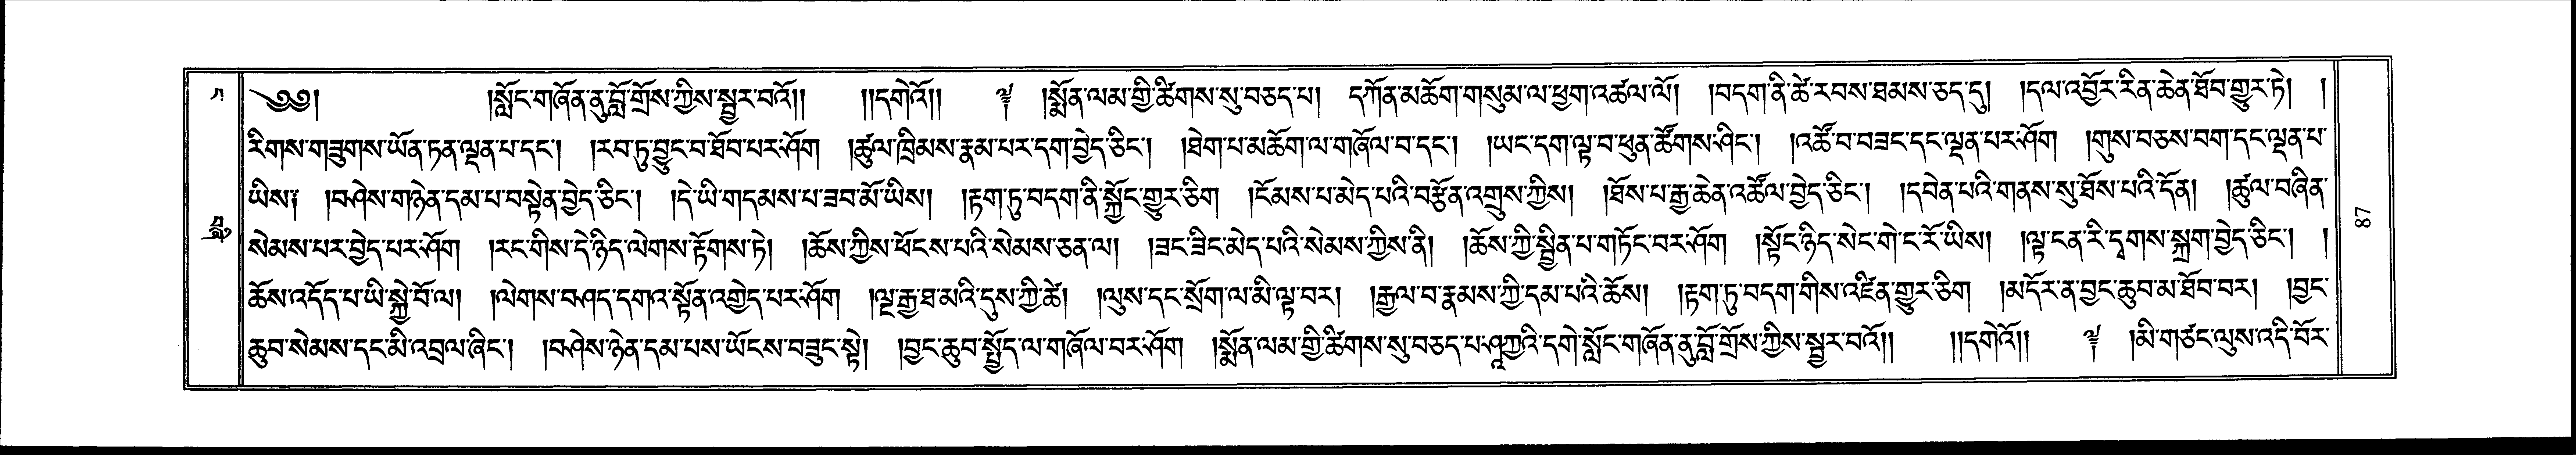༄༅། །སློང་གཞོན་ནུ་བློ་གྲོས་ཀྱིས་སྦྱར་བའོ།། །།དགེའོ།། ༈ །སྨོན་ལམ་གྱི་ཚིགས་སུ་བཅད་པ། དཀོན་མཆོག་གསུམ་ལ་ཕྱག་འཚལ་ལོ། །བདག་ནི་ཚེ་རབས་ཐམས་ཅད་དུ། །དལ་འབྱོར་རིན་ཆེན་ཐོབ་གྱུར་ཏེ། །
རིགས་གཟུགས་ཡོན་ཏན་ལྡན་པ་དང་། །རབ་ཏུ་བྱུང་བ་ཐོབ་པར་ཤོག །ཚུལ་ཁྲིམས་རྣམ་པར་དག་བྱེད་ཅིང་། །ཐེག་པ་མཆོག་ལ་གཞོལ་བ་དང་། །ཡང་དག་ལྟ་བ་ཕུན་ཚོགས་ཤིང་། །འཚོ་བ་བཟང་དང་ལྡན་པར་ཤོག །གུས་བཅས་བག་དང་ལྡན་པ་
ཡིས། །བཤེས་གཉེན་དམ་པ་བསྟེན་བྱེད་ཅིང་། །དེ་ཡི་གདམས་པ་ཟབ་མོ་ཡིས། །རྟག་ཏུ་བདག་ནི་སྐྱོང་གྱུར་ཅིག །ངོམས་པ་མེད་པའི་བརྩོན་འགྲུས་ཀྱིས། །ཐོས་པ་རྒྱ་ཆེན་འཚོལ་བྱེད་ཅིང་། །དབེན་པའི་གནས་སུ་ཐོས་པའི་དོན། །ཚུལ་བཞིན་
སེམས་པར་བྱེད་པར་ཤོག །རང་གིས་དེ་ཉིད་ལེགས་རྟོགས་ཏེ། །ཆོས་ཀྱིས་ཕོངས་པའི་སེམས་ཅན་ལ། །ཟང་ཟིང་མེད་པའི་སེམས་ཀྱིས་ནི། །ཆོས་ཀྱི་སྦྱིན་པ་གཏོང་བར་ཤོག །སྟོང་ཉིད་སེང་གེ་ང་རོ་ཡིས། །ལྟ་ངན་རི་དྭགས་སྐྲག་བྱེད་ཅིང་། །
ཆོས་འདོད་པ་ཡི་སྐྱེ་བོ་ལ། །ལེགས་བཤད་དགའ་སྟོན་འགྱེད་པར་ཤོག །ལྔ་རྒྱ་ཐ་མའི་དུས་ཀྱི་ཚེ། །ལུས་དང་སྲོག་ལ་མི་ལྟ་བར། །རྒྱལ་བ་རྣམས་ཀྱི་དམ་པའི་ཆོས། །རྟག་ཏུ་བདག་གིས་འཛིན་གྱུར་ཅིག །མདོར་ན་བྱང་ཆུབ་མ་ཐོབ་པར། །བྱང་
ཆུབ་སེམས་དང་མི་འབྲལ་ཞིང་། །བཤེས་ཉེན་དམ་པས་ཡོངས་བཟུང་སྟེ། །བྱང་ཆུབ་སྤྱོད་ལ་གཞོལ་བར་ཤོག །སྨོན་ལམ་གྱི་ཚིགས་སུ་བཅད་པ་ཤཱཀྱའི་དགེ་སློང་གཞོན་ནུ་བློ་གྲོས་ཀྱིས་སྦྱར་བའོ།། །།དགེའོ།། ༈ །མི་གཙང་ལུས་འདི་བོར་